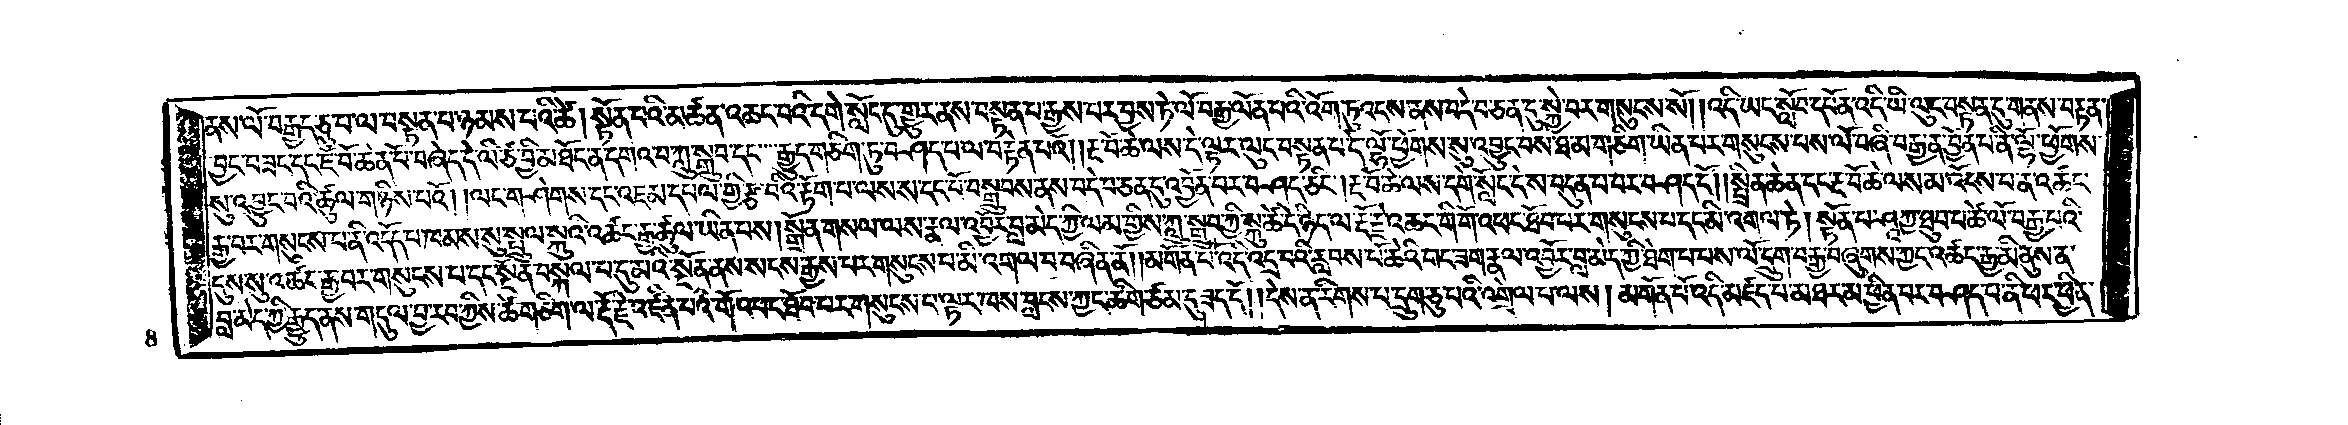ནས་ལོ་བརྒྱད་ཅུ་པ་ལ་བསྟན་པ་ཉམས་པའི་ཚེ། སྟོན་པའི་མཚན་འཆང་བའི་དགེ་སློང་དུ་གྱུར་ནས་བསྟན་པ་རྒྱས་པར་བྱས་ཏེ་ལོ་བརྒྱ་ལོན་པའི་འོག་ཏུ་འདས་ནས་བདེ་བ་ཅན་དུ་སྐྱེ་བར་གསུངས་སོ། །འདི་ཡང་སློབ་དཔོན་འདི་ཡི་ལུང་བསྟན་དུ་གནས་བརྟན་
བྱང་བཟང་དང་ཇོ་བོ་ཆེན་པོ་བཞེད་དེ་ལི་ཙ་བྱི་མཐོང་ན་དགའ་བ་ཀླུ་སྒྲུབ་དང་རྒྱུད་གཅིག་ཏུ་བཤད་པ་ལ་བརྟེན་པའོ། །རྔ་བོ་ཆེ་ལས་དེ་ལྟར་ལུང་བསྟན་པ་དེ་ལྷོ་ཕྱོགས་སུ་འབྱུང་བས་ཐ་མ་གཅིག་ཡིན་པར་གསུངས་པས་ལོ་བཞི་བརྒྱ་ན་བྱོན་པ་ནི་ལྷོ་ཕྱོགས་
སུ་འབྱུང་བའི་ཚུལ་གཉིས་པའོ། །ལང་གཤེགས་དང་འཇམ་དཔལ་གྱི་རྩ་བའི་རྟོག་པ་ལས་ས་དང་པོ་བསྒྲུབས་ན་བདེ་བ་ཅན་དུ་འབྱོན་པར་བཤད་ཅིང་། །རྔ་བོ་ཆེ་ལས་དགེ་སློང་དེ་ས་བདུན་པ་བར་བཤད་དོ། །སྤྲིན་ཆེན་དང་རྔ་བོ་ཆེ་ལས་མ་འོངས་པ་ན་འཚང་
རྒྱ་བར་གསུངས་པ་ནི་འདོད་པ་ཁམས་སུ་སྤྲུལ་སྐུའི་འཚང་རྒྱ་ཚུལ་ཡིན་པས། སྒྲོན་གསལ་ལས་རྣལ་འབྱོར་བླ་མེད་ཀྱི་ལམ་གྱིས་ཀླུ་སྒྲུབ་ཀྱི་སྐུ་ཚེ་དེ་ཉིད་ལ་རྡོ་རྗེ་འཆང་གི་གོ་འཕང་ཐོབ་པར་གསུངས་པ་དང་མི་འགལ་ཏེ། སྟོན་པ་ཤཱཀྱ་ཐུབ་པ་ཚེ་ལོ་བརྒྱ་པའི་
དུས་སུ་འཆང་རྒྱ་བར་གསུངས་པ་དང་སྔོན་བསྐལ་པ་དུ་མའི་སྔོན་ནས་སངས་རྒྱས་པར་གསུངས་པ་མི་འགལ་བ་བཞིན་ནོ། །མངོན་པོ་འདི་འདྲ་བའི་རླབས་པོ་ཆེའི་གང་ཟག་རྣལ་འབྱོར་བླ་མེད་ཀྱི་ཐེག་པ་པས་ལོ་དྲུག་བརྒྱ་བཞུགས་ཀྱང་འཚང་རྒྱ་མི་ནུས་ན་
བླ་མེད་ཀྱི་རྒྱུད་ནས་གདུལ་བྱ་རབ་ཀྱི་ཚེ་གཅིག་ལ་རྡོ་རྗེ་འཛིན་པའི་གོ་འཕང་ཐོབ་པར་གསུངས་པ་ལྟར་ཁས་བླངས་ཀྱང་ཚིག་ཙམ་དུ་ཟད་དོ། །དེས་ན་རིག་པ་དྲུག་ཅུ་པའི་འགྲེལ་པ་ལས། མགོན་པོ་འདི་མཛད་པ་མཐར་མ་ཕྱིན་པར་བཤད་པ་ནི་ཕར་ཕྱིན་